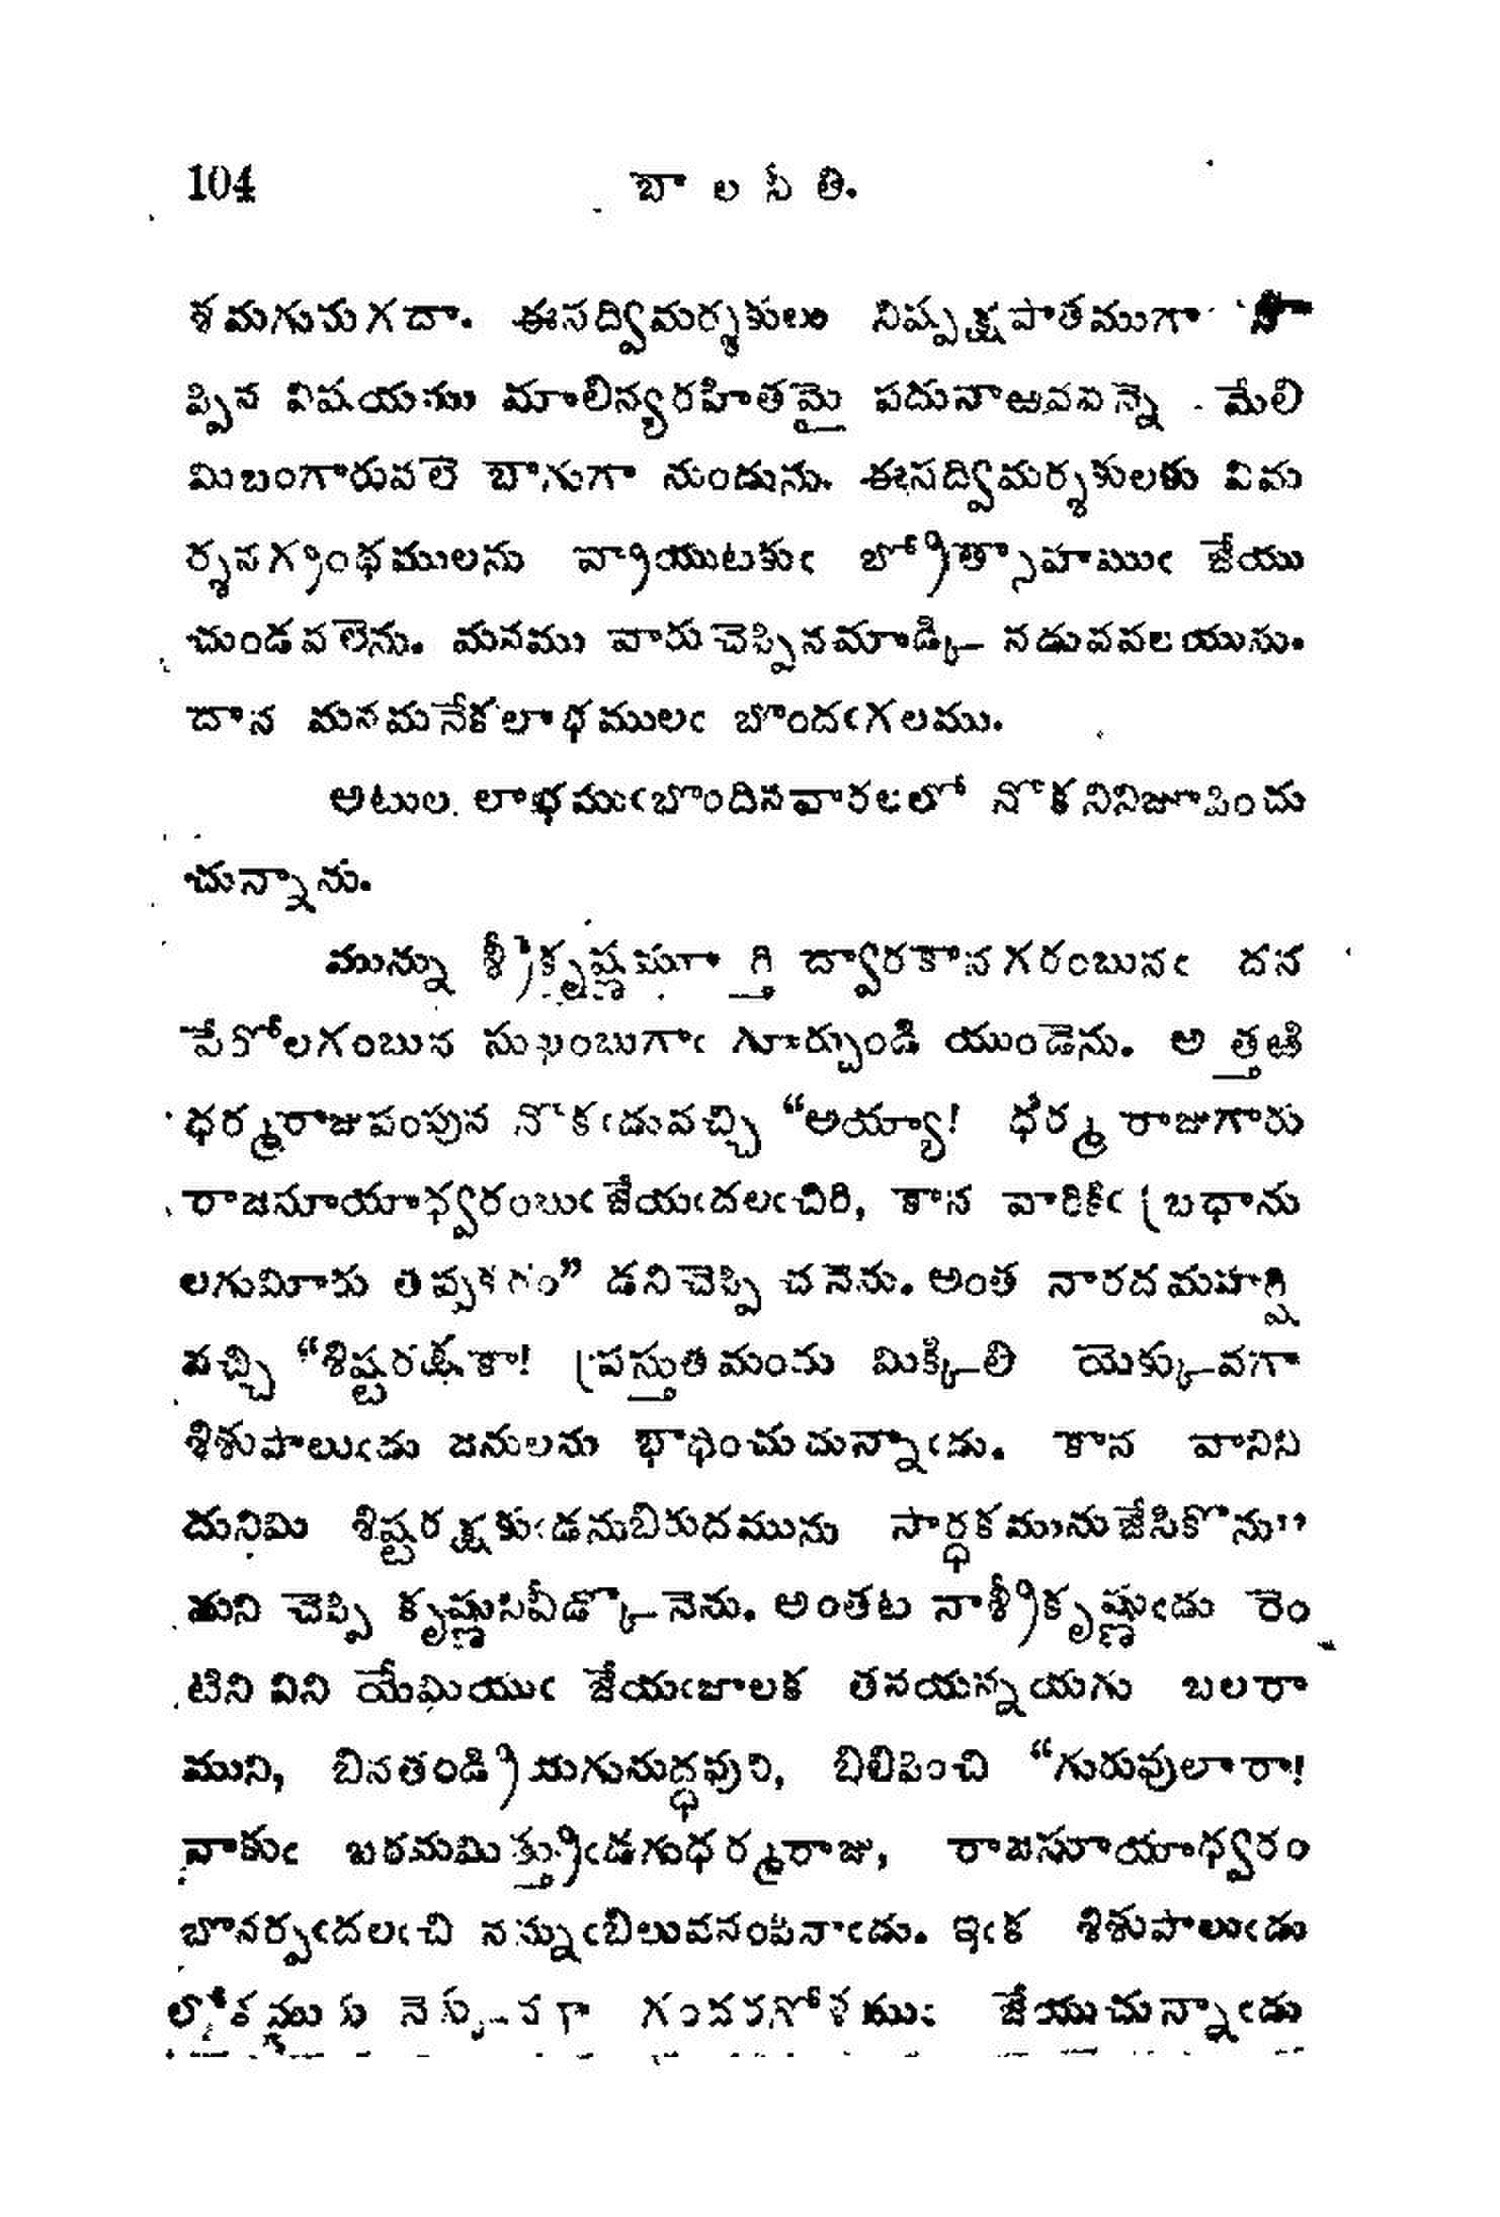శమగునుగదా. ఈసద్విమర్శకులు నిష్పక్షపాతముగా సొ
ప్పిన విషయము మాలిన్యరహితమై పదునాఱవవన్నె మేలి
మిబంగారువలె బాగుగా నుండును ఈసద్విమర్శకులకు విమ
ర్శనగ్రంథములను వ్రాయుటకుఁ బ్రోత్సాహముఁ జేయు
చుండవలెను. మనము వారుచెప్పినమాడ్కి నడువవలయును. 
దాన మనమనేకలాభములఁ బొందగలము.

అటుల లాభముఁబొందినవారలలో నొకనినిజూపించు
చున్నాను.

మున్ను శ్రీకృష్ణమూర్తి ద్వారకానగరంబునఁ దన
పేరోలగంబున సుఖంబుగాఁ గూర్చుండి యుండెను. అత్తఱి 
ధర్మరాజుపంపున నొకఁడువచ్చి”అయ్యా! ధర్మరాజుగారు 
రాజసూయాధ్వరంబుఁజేయఁదలచిరి. కాన వారికిఁ బ్రధాను
లగుమీరు తప్పకరం”డనిచెప్పి చనెను. అంత నారదమహర్షి 
వచ్చి “శిష్టరక్షకా! ప్రస్తుతమందు మిక్కిలి యెక్కువగా 
శిశుపాలుఁడు జనులను భాధించుచున్నాఁడు. కాన వానిని
దునిమి శిష్టరక్షకుఁడనుబిరుదమును సార్ధకముజేసికొను"
మని చెప్పి కృష్ణునివీడ్కొనెను. అంతట నాశ్రీకృష్ణుఁడు రెం
టిని విని యేమియుఁ జేయఁజాలక తనయన్నయగు బలరా
ముని, బినతండ్రియగునుద్ధవుని, బిలిపించి “గురువులారా! 
నాకుఁ బరమమిత్త్రుఁడగుధర్మరాజు, రాజసూయాధ్వరం 
బొనర్పఁదలఁచి నన్నుఁబిలువనంపినాఁడు. ఇఁక శిశుపాలుఁడు 
లోకమును నెక్కువగా గందరగోళము జేయుచున్నాఁడు